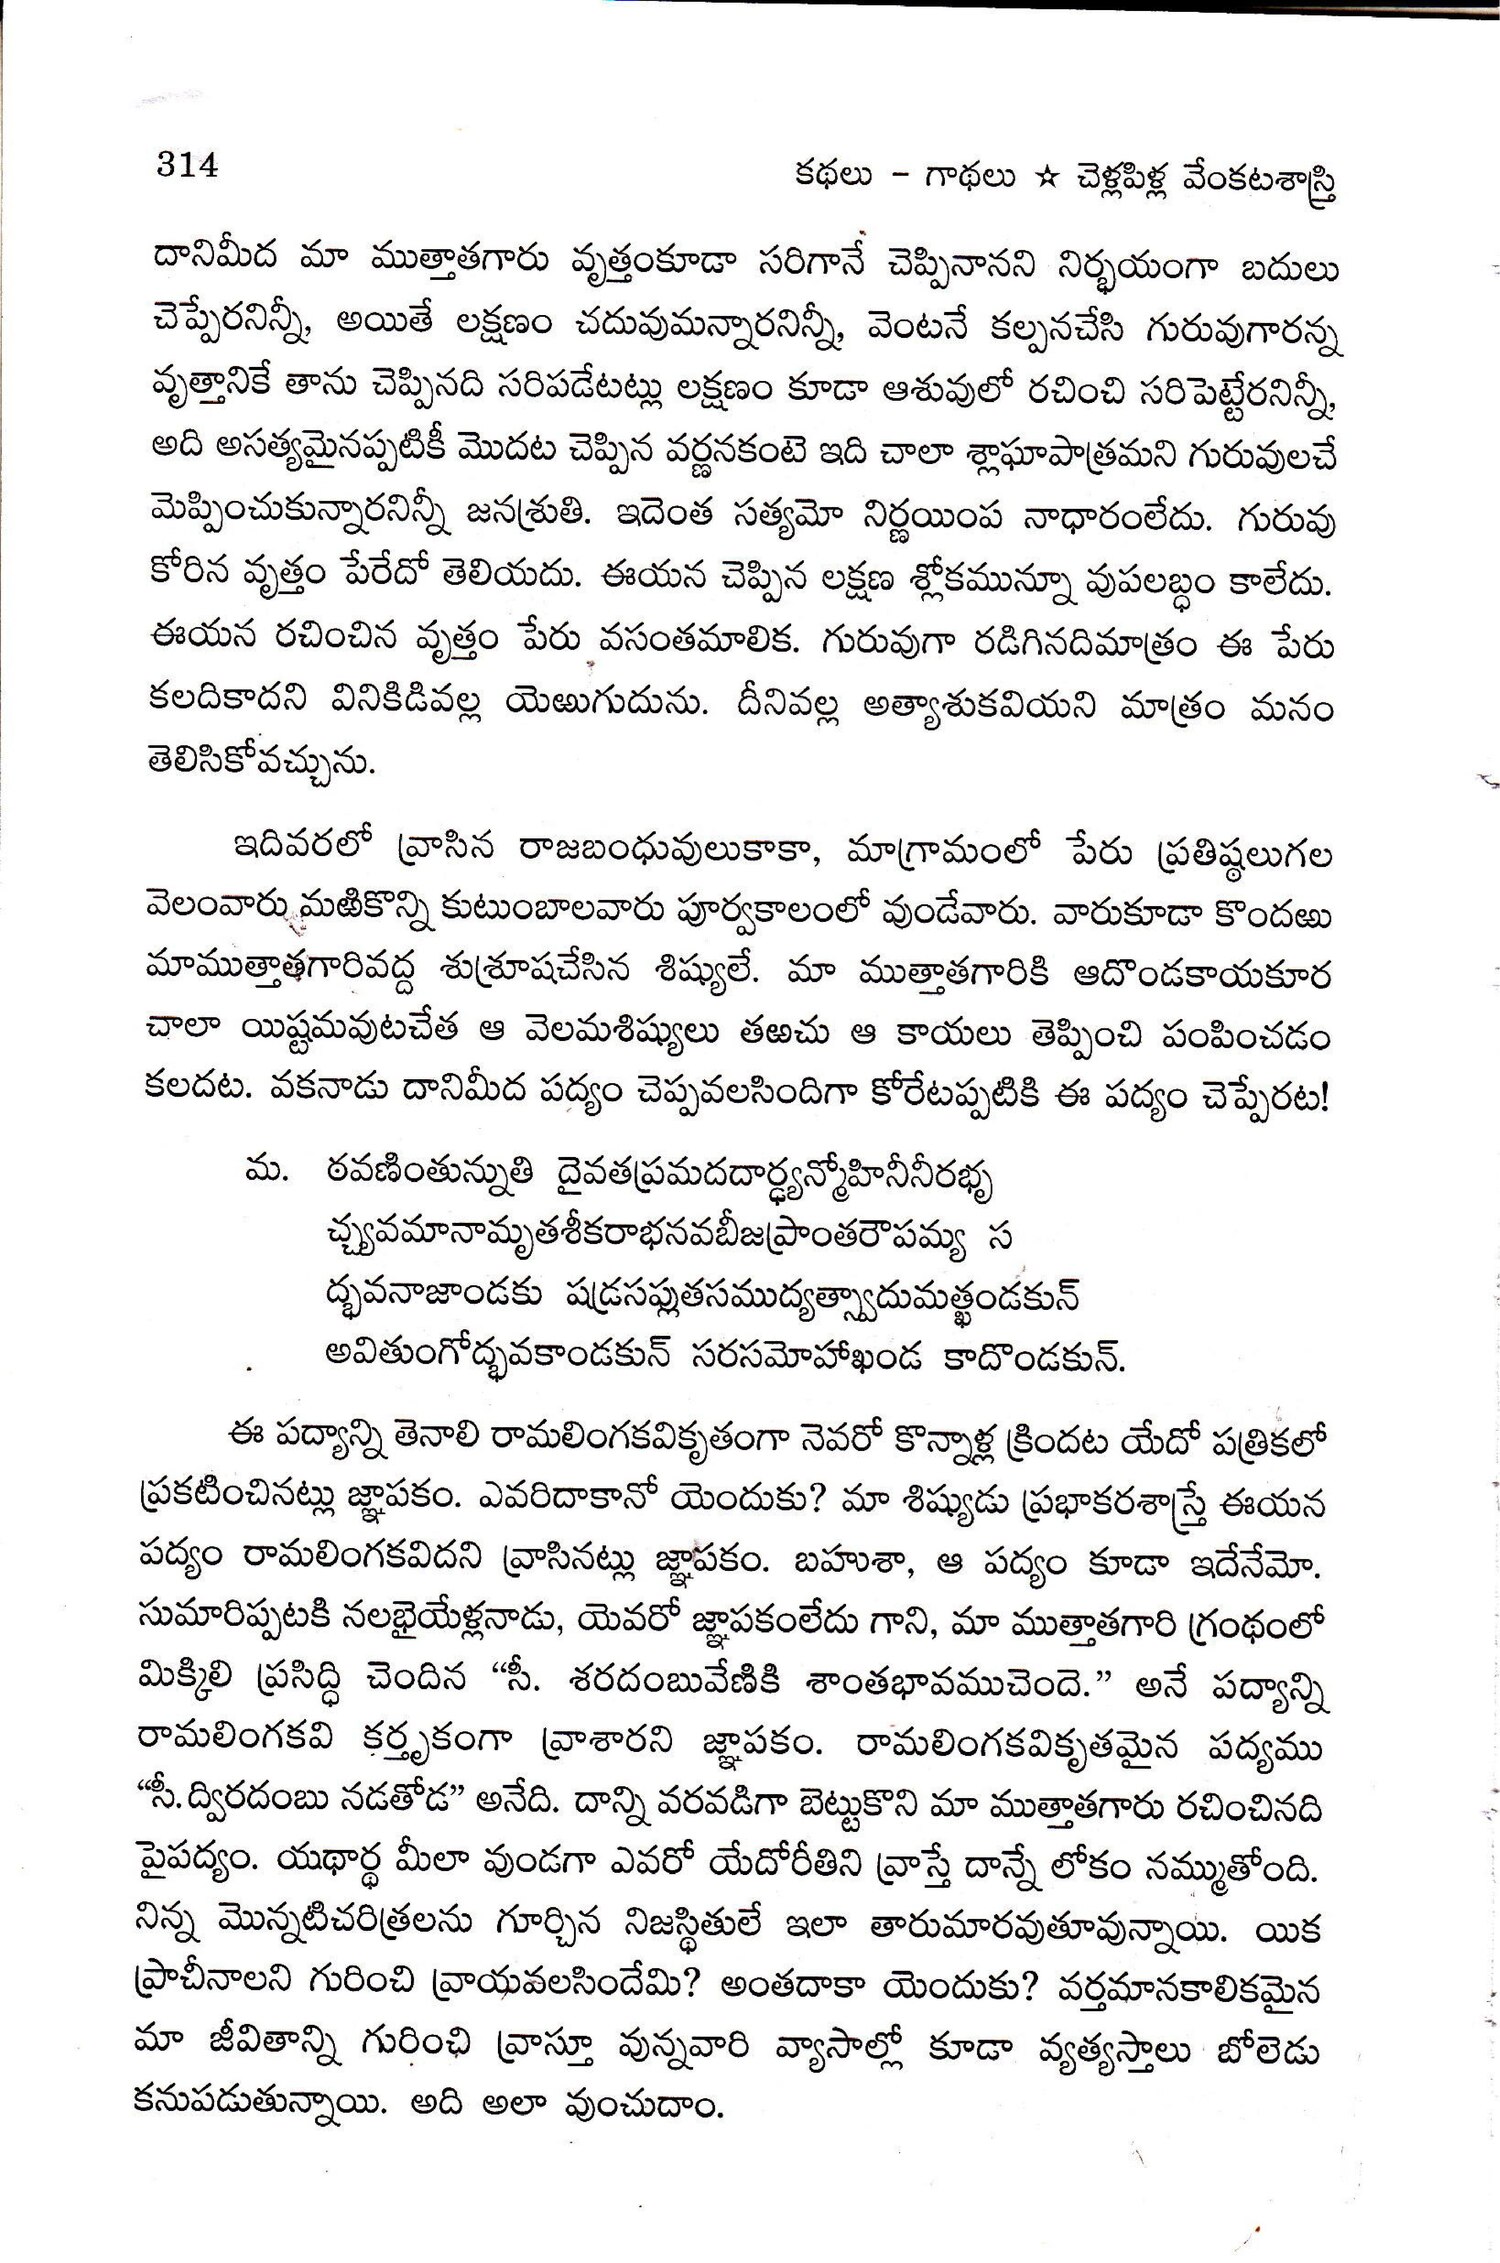దానిమీద మా ముత్తాతగారు వృత్తంకూడా సరిగానే చెప్పినానని నిర్భయంగా బదులు చెప్పేరనిన్నీ, అయితే లక్షణం చదువుమన్నారనిన్నీ వెంటనే కల్పనచేసి గురువుగారన్న వృత్తానికే తాను చెప్పినది సరిపడేటట్లు లక్షణం కూడా ఆశువులో రచించి సరిపెట్టేరనిన్నీ అది అసత్యమైనప్పటికీ మొదట చెప్పిన వర్ణనకంటె ఇది చాలా శ్లాఘాపాత్రమని గురువులచే మెప్పించుకున్నారనిన్నీ జనశ్రుతి. ఇదెంత సత్యమో నిర్ణయింప నాధారంలేదు. గురువు కోరిన వృత్తం పేరేదో తెలియదు. ఈయన చెప్పిన లక్షణ శ్లోకమున్నూ వుపలబ్ధం కాలేదు. ఈయన రచించిన వృత్తం పేరు వసంతమాలిక. గురువుగా రడిగినదిమాత్రం ఈ పేరు కలదికాదని వినికిడివల్ల యెఱుగుదును. దీనివల్ల అత్యాశుకవియని మాత్రం మనం తెలిసికోవచ్చును.

ఇదివరలో వ్రాసిన రాజబంధువులుకాకా, మాగ్రామంలో పేరు ప్రతిష్ఠలుగల వెలంవారు మఱికొన్ని కుటుంబాలవారు పూర్వకాలంలో వుండేవారు. వారుకూడా కొందఱు మాముత్తాతగారివద్ద శుశ్రూషచేసిన శిష్యులే. మా ముత్తాతగారికి ఆదొండకాయకూర చాలా యిష్టమవుటచేత ఆ వెలమశిష్యులు తఱచు ఆ కాయలు తెప్పించి పంపించడం కలదట. వకనాడు దానిమీద పద్యం చెప్పవలసిందిగా కోరేటప్పటికి ఈ పద్యం చెప్పేరట!

మ. ఠవణింతున్నుతి దైవతప్రమదదార్ఢ్యన్మోహినీనీరభృ
 చ్యవమానామృతశీకరాభనవబీజప్రాంతరౌపమ్య స 
 ద్భవనాజాండకు షడ్రసప్లుతసముద్యత్స్వాదుమత్ఖండకున్ 
 అవితుంగోద్భవకాండకున్ సరసమోహాఖండ కాదొండకున్.
ఈ పద్యాన్ని తెనాలి రామలింగకవికృతంగా నెవరో కొన్నాళ్ల క్రిందట యేదో పత్రికలో ప్రకటించినట్లు జ్ఞాపకం. ఎవరిదాకానో యెందుకు? మా శిష్యుడు ప్రభాకరశాస్త్రే ఈయన పద్యం రామలింగకవిదని వ్రాసినట్లు జ్ఞాపకం. బహుశా, ఆ పద్యం కూడా ఇదేనేమో. సుమారిప్పటకి నలభైయేళ్లనాడు, యెవరో జ్ఞాపకంలేదు గాని, మా ముత్తాతగారి గ్రంథంలో మిక్కిలి ప్రసిద్ధి చెందిన “సీ. శరదంబువేణికి శాంతభావముచెందె." అనే పద్యాన్ని రామలింగకవి కర్తృకంగా వ్రాశారని జ్ఞాపకం. రామలింగకవికృతమైన పద్యము సీ.ద్విరదంబు నడతోడ" అనేది. దాన్ని వరవడిగా బెట్టుకొని మా ముత్తాతగారు రచించినది పైపద్యం. యథార్థ మీలా వుండగా ఎవరో యేదోరీతిని వ్రాస్తే దాన్నే లోకం నమ్ముతోంది. నిన్న మొన్నటిచరిత్రలను గూర్చిన నిజస్థితులే ఇలా తారుమారవుతూవున్నాయి. యిక ప్రాచీనాలని గురించి వ్రాయవలసిందేమి? అంతదాకా యెందుకు? వర్తమానకాలికమైన మా జీవితాన్ని గురించి వ్రాస్తూ వున్నవారి వ్యాసాల్లో కూడా వ్యత్యస్తాలు బోలెడు కనుపడుతున్నాయి. అది అలా వుంచుదాం.